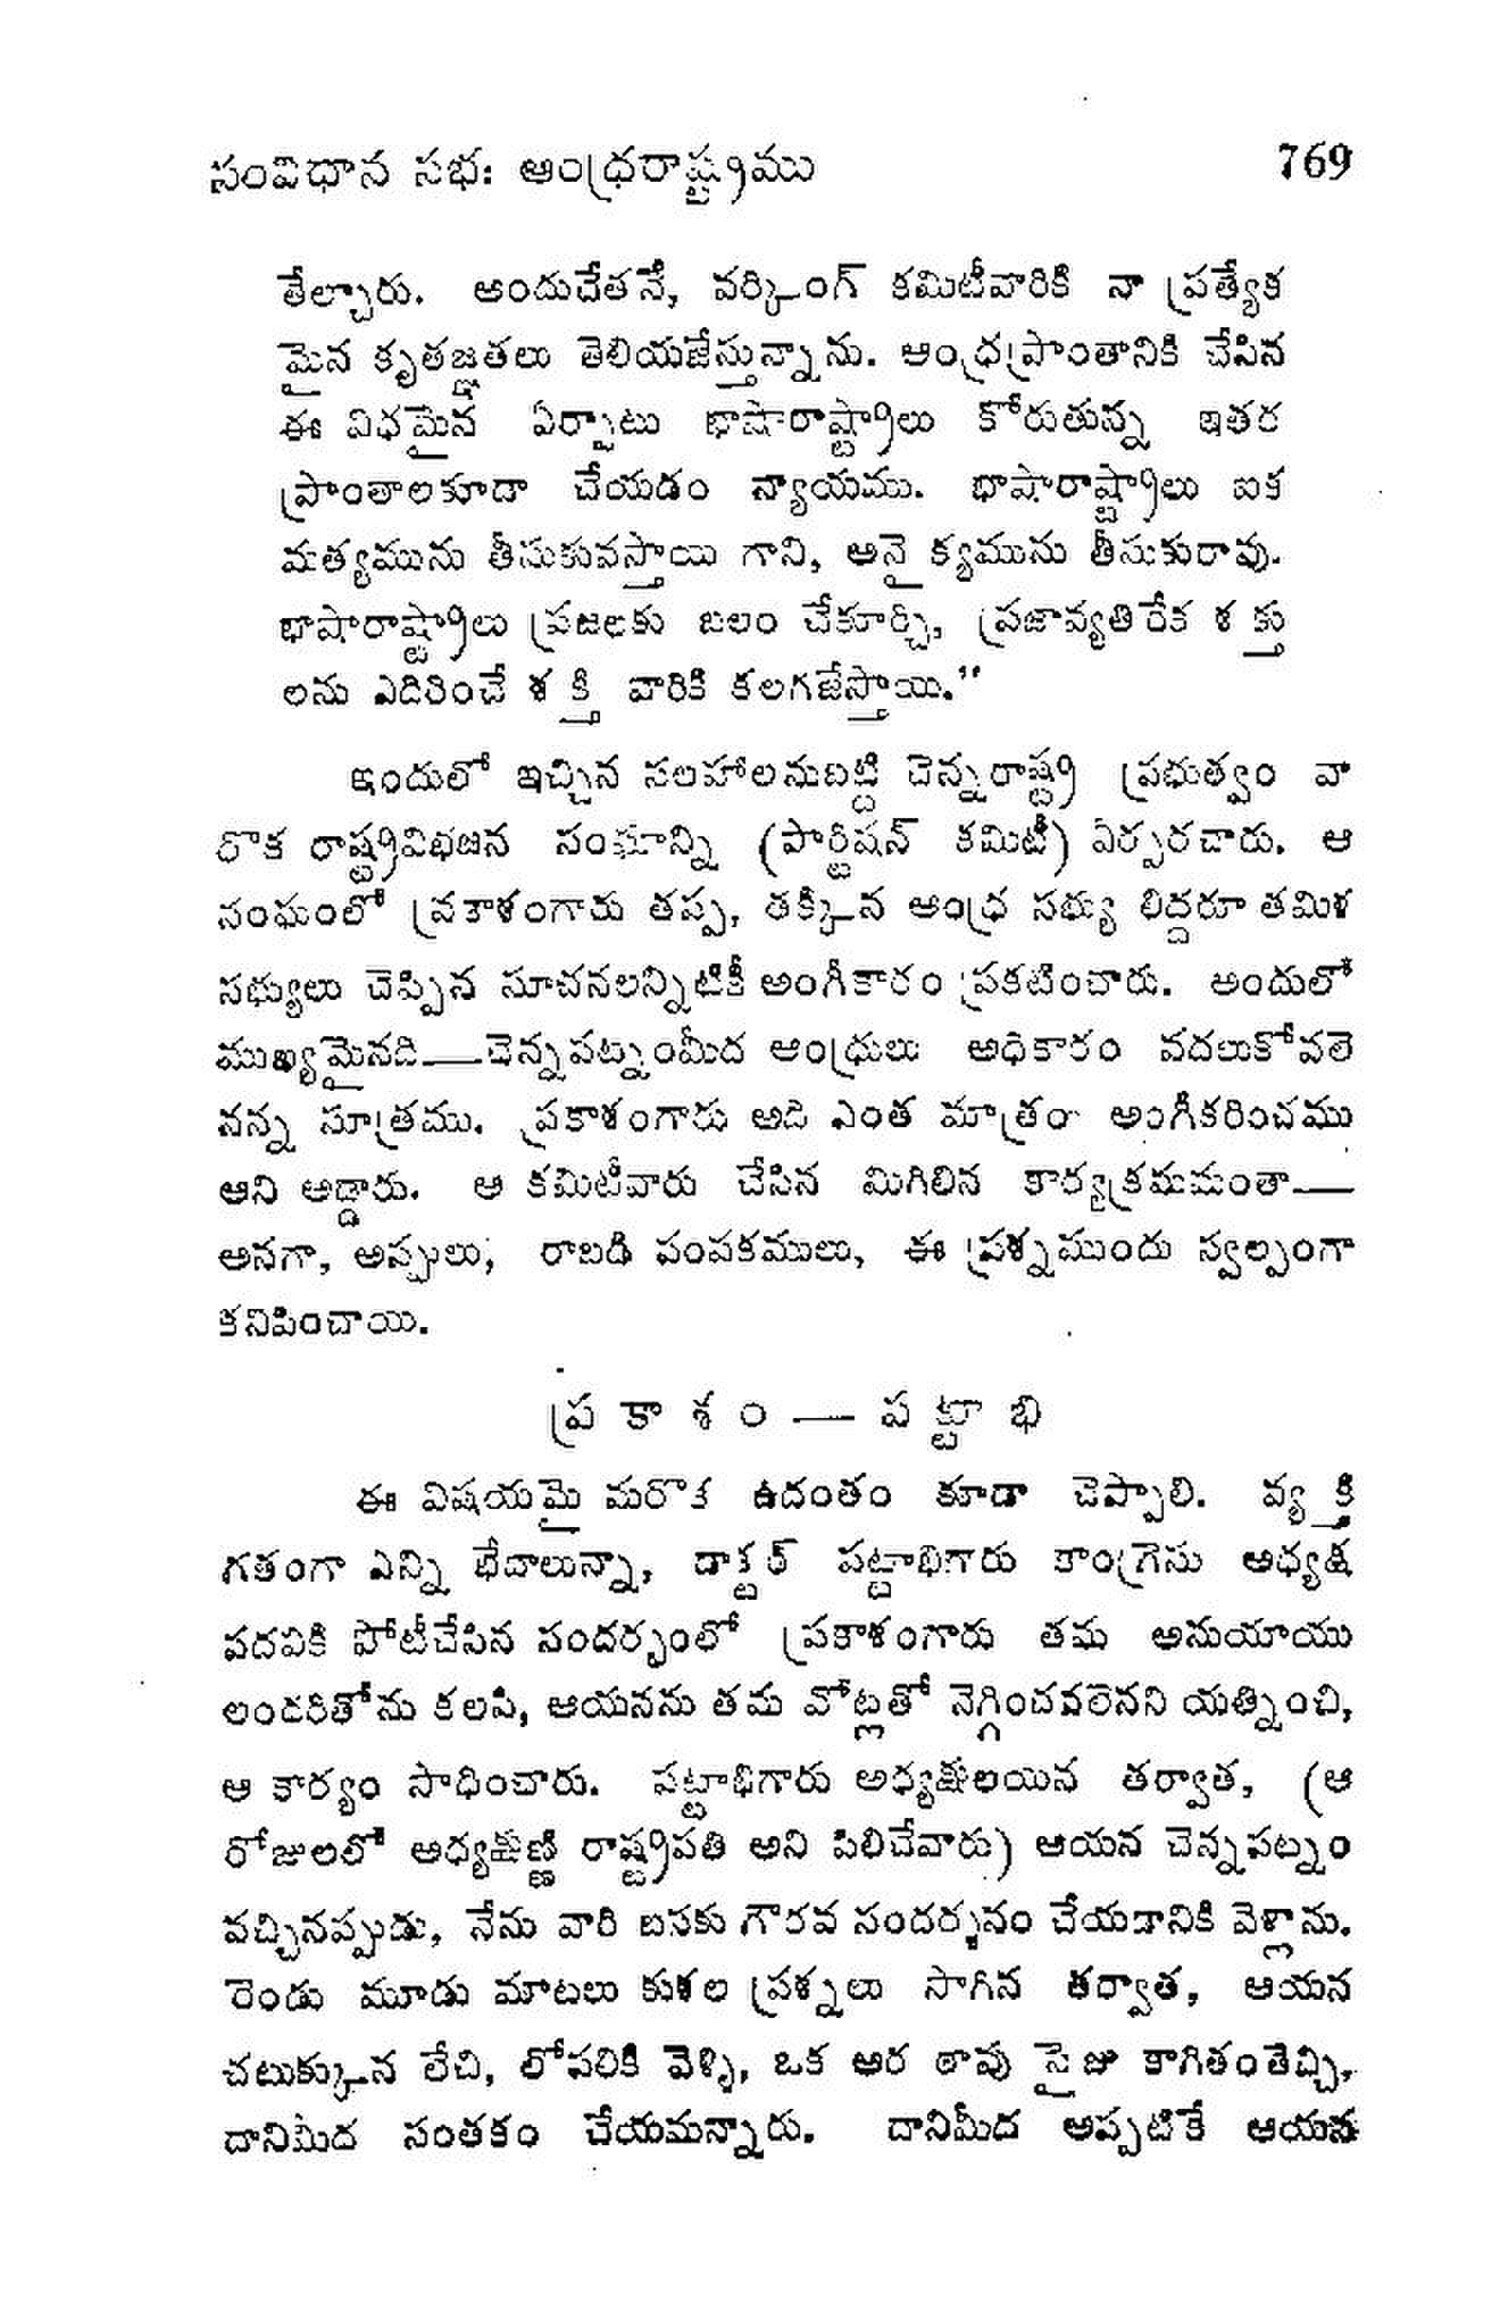తేల్చారు. అందుచేతనే, వర్కింగ్ కమిటీవారికి నా ప్రత్యేకమైన కృతజ్ఞతలు తెలియజేస్తున్నాను. ఆంధ్రప్రాంతానికి చేసిన ఈ విధమైన ఏర్పాటు భాషారాష్ట్రాలు కోరుతున్న ఇతర ప్రాంతాలకూడా చేయడం న్యాయము. భాషారాష్ట్రాలు ఐకమత్యమును తీసుకువస్తాయి గాని, అనైక్యమును తీసుకురావు. భాషారాష్ట్రాలు ప్రజలకు బలం చేకూర్చి, ప్రజావ్యతిరేక శక్తులను ఎదిరించే శక్తి వారికి కలగజేస్తాయి."

ఇందులో ఇచ్చిన సలహాలనుబట్టి చెన్నరాష్ట్ర ప్రభుత్వం వా రొక రాష్ట్రవిభజన సంఘాన్ని (పార్టిషన్ కమిటీ) ఏర్పరచారు. ఆ సంఘంలో ప్రకాశంగారు తప్ప, తక్కిన ఆంధ్ర సభ్యు లిద్దరూ తమిళ సభ్యులు చెప్పిన సూచనలన్నిటికీ అంగీకారం ప్రకటించారు. అందులో ముఖ్యమైనది - చెన్నపట్నంమీద ఆంధ్రులు అధికారం వదలుకోవలెనన్న సూత్రము. ప్రకాశంగారు అది ఎంత మాత్రం అంగీకరించము అని అడ్డారు. అ కమిటీవారు చేసిన మిగిలిన కార్యక్రమమంతా - అనగా, అప్పులు, రాబడి పంపకములు, ఈ ప్రశ్నముందు స్వల్పంగా కనిపించాయి.

ఈ విషయమై మరొక ఉదంతం కూడా చెప్పాలి. వ్యక్తిగతంగా ఎన్ని బేదాలున్నా, డాక్టర్ పట్టాభిగారు కాంగ్రెసు అధ్యక్ష పదవికి పోటీచేసిన సందర్భంలో ప్రకాశంగారు తమ అనుయాయు లందరితోను కలసి, ఆయనను తమ వోట్లతో నెగ్గించవలెనని యత్నించి, ఆ కార్యం సాధించారు. పట్టాభిగారు అధ్యక్షులయిన తర్వాత, (ఆ రోజులలో అధ్యక్షుణ్ణి రాష్ట్రపతి అని పిలిచేవారు) ఆయన చెన్నపట్నం వచ్చినప్పుడు, నేను వారి బసకు గౌరవ సందర్శనం చేయడానికి వెళ్లాను. రెండు మూడు మాటలు కుశల ప్రశ్నలు సాగిన తర్వాత, ఆయన చటుక్కున లేచి, లోపలికి వెళ్ళి, ఒక అర ఠావు సైజు కాగితంతెచ్చి, దానిమీద సంతకం చేయమన్నారు. దానిమీద అప్పటికే ఆయన